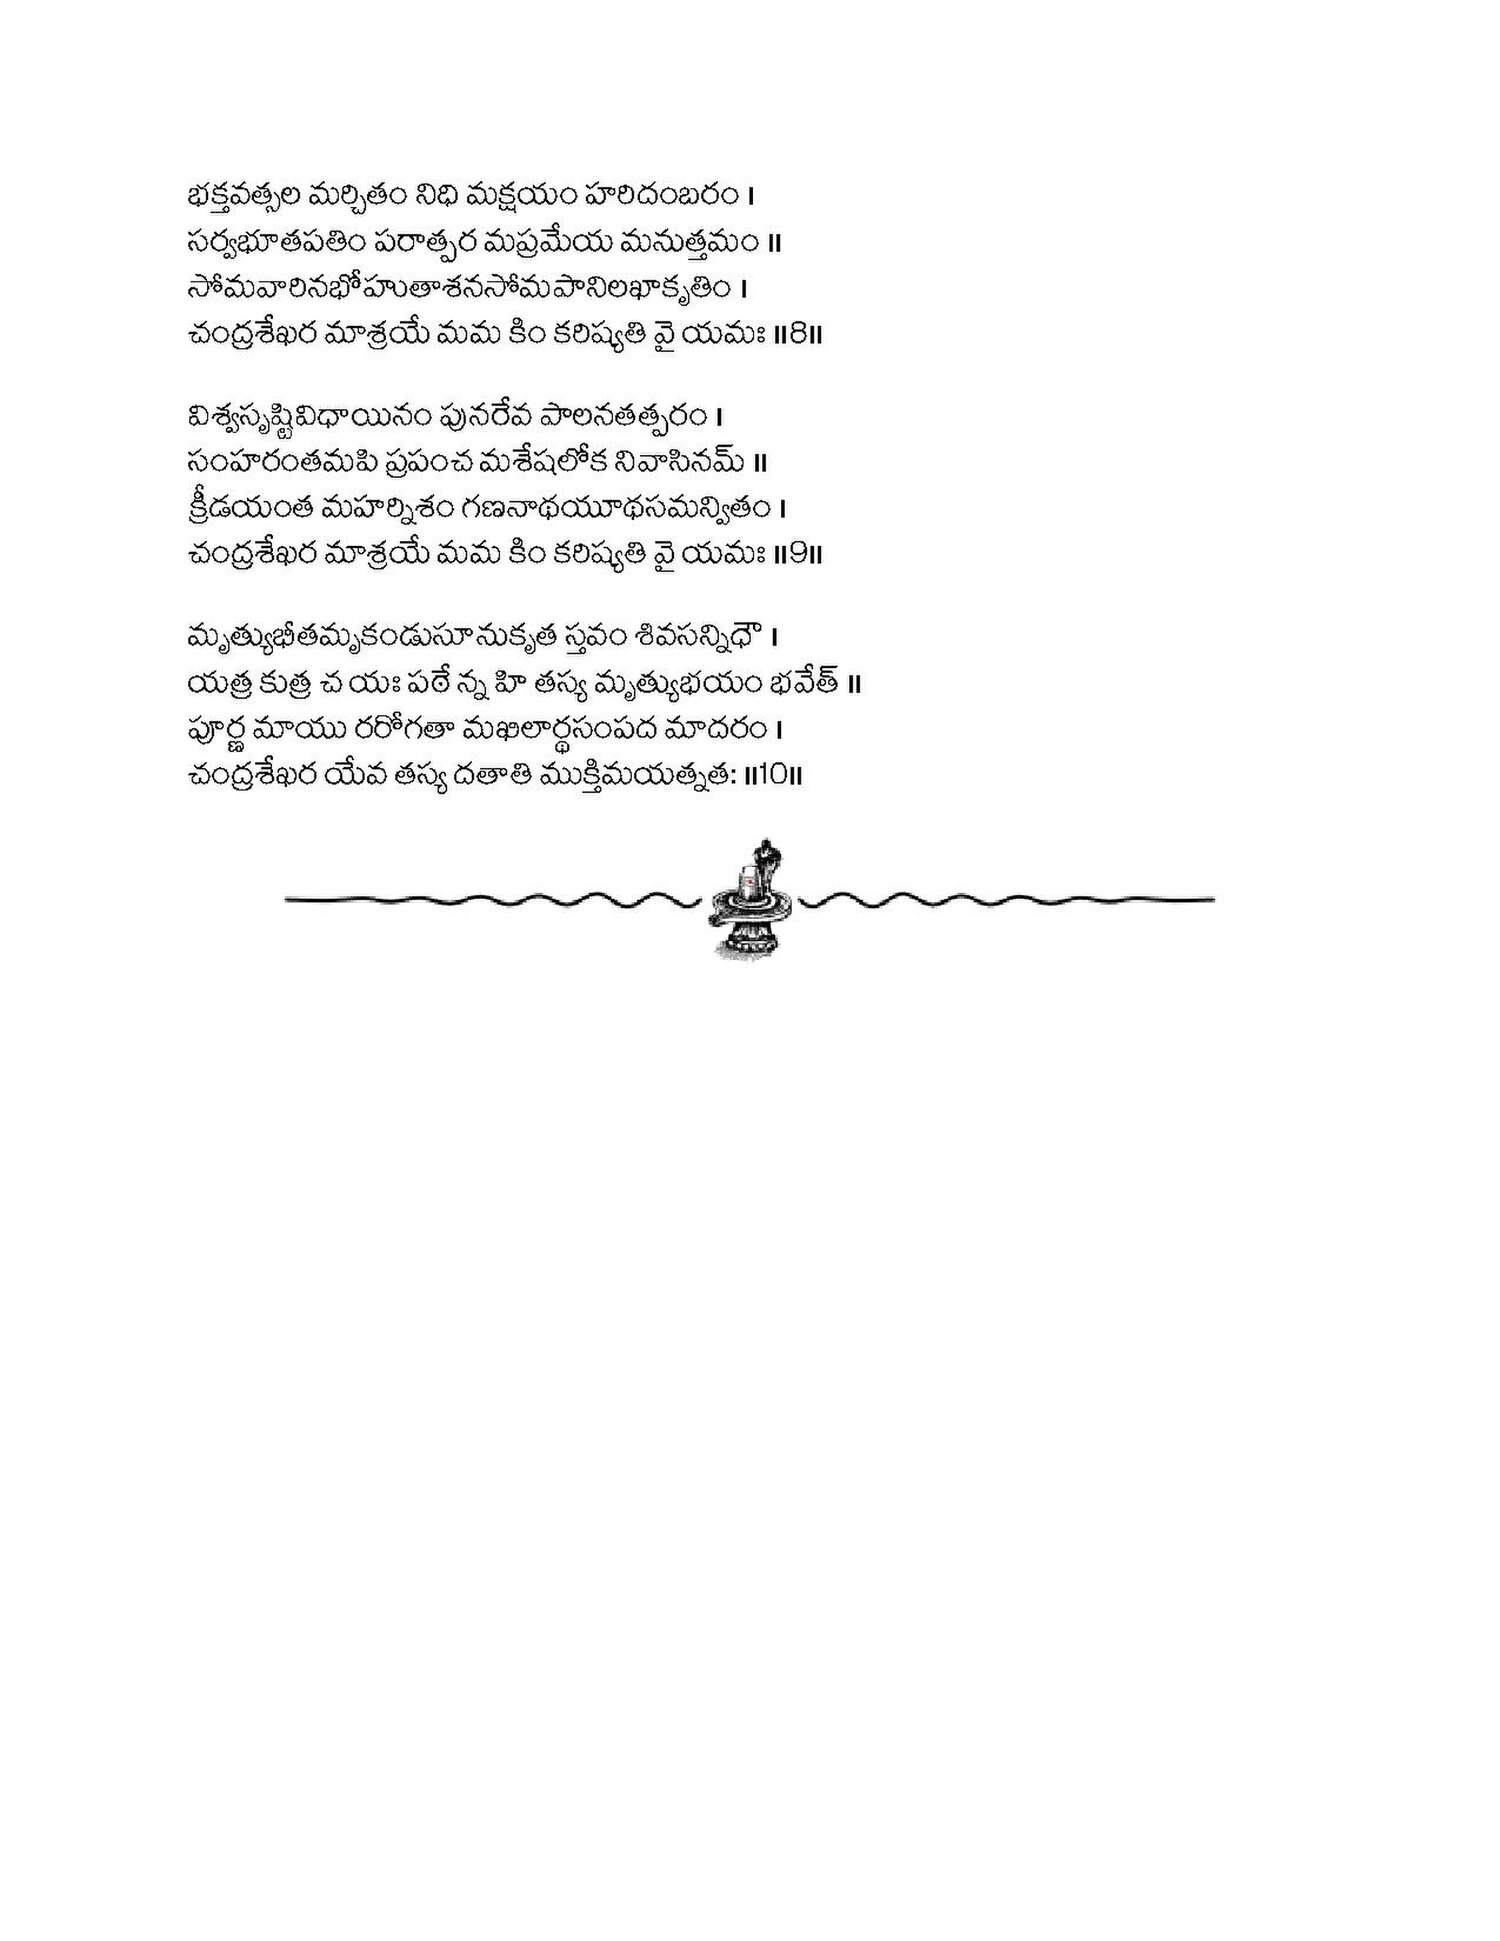భక్తవత్సల మర్చితం నిధి మక్షయం హరిదంబరం |
సర్వభూతపతిం పరాత్పర మప్రమేయ మనుత్తమం ||
సోమవారినభోహుతాశనసోమపానిలఖాకృతిం |
చంద్రశేఖర మాశ్రయే మమ కిం కరిష్యతి వై యమః || 8 ||

విశ్వసృష్టివిధాయినం పునరేవ పాలనతత్పరం |
సంహరంతమపి ప్రపంచ మశేషలోక నివాసినమ్ ||
క్రీడయంత మహర్నిశం గణనాథయూథసమన్వితం |
చంద్రశేఖర మాశ్రయే మమ కిం కరిష్యతి వై యమః ||9||

మృత్యుభీతమృకండుసూనుకృత స్తవం శివసన్నిధౌ |
యత్ర కుత్ర చ యః పఠే న్న హి తస్య మృత్యుభయం భవేత్ ||
పూర్ణ మాయు రరోగతా మఖిలార్థసంపద మాదరం |
చంద్రశేఖర యేవ తస్య దతాతి ముక్తిమయత్నతః || 10 ||